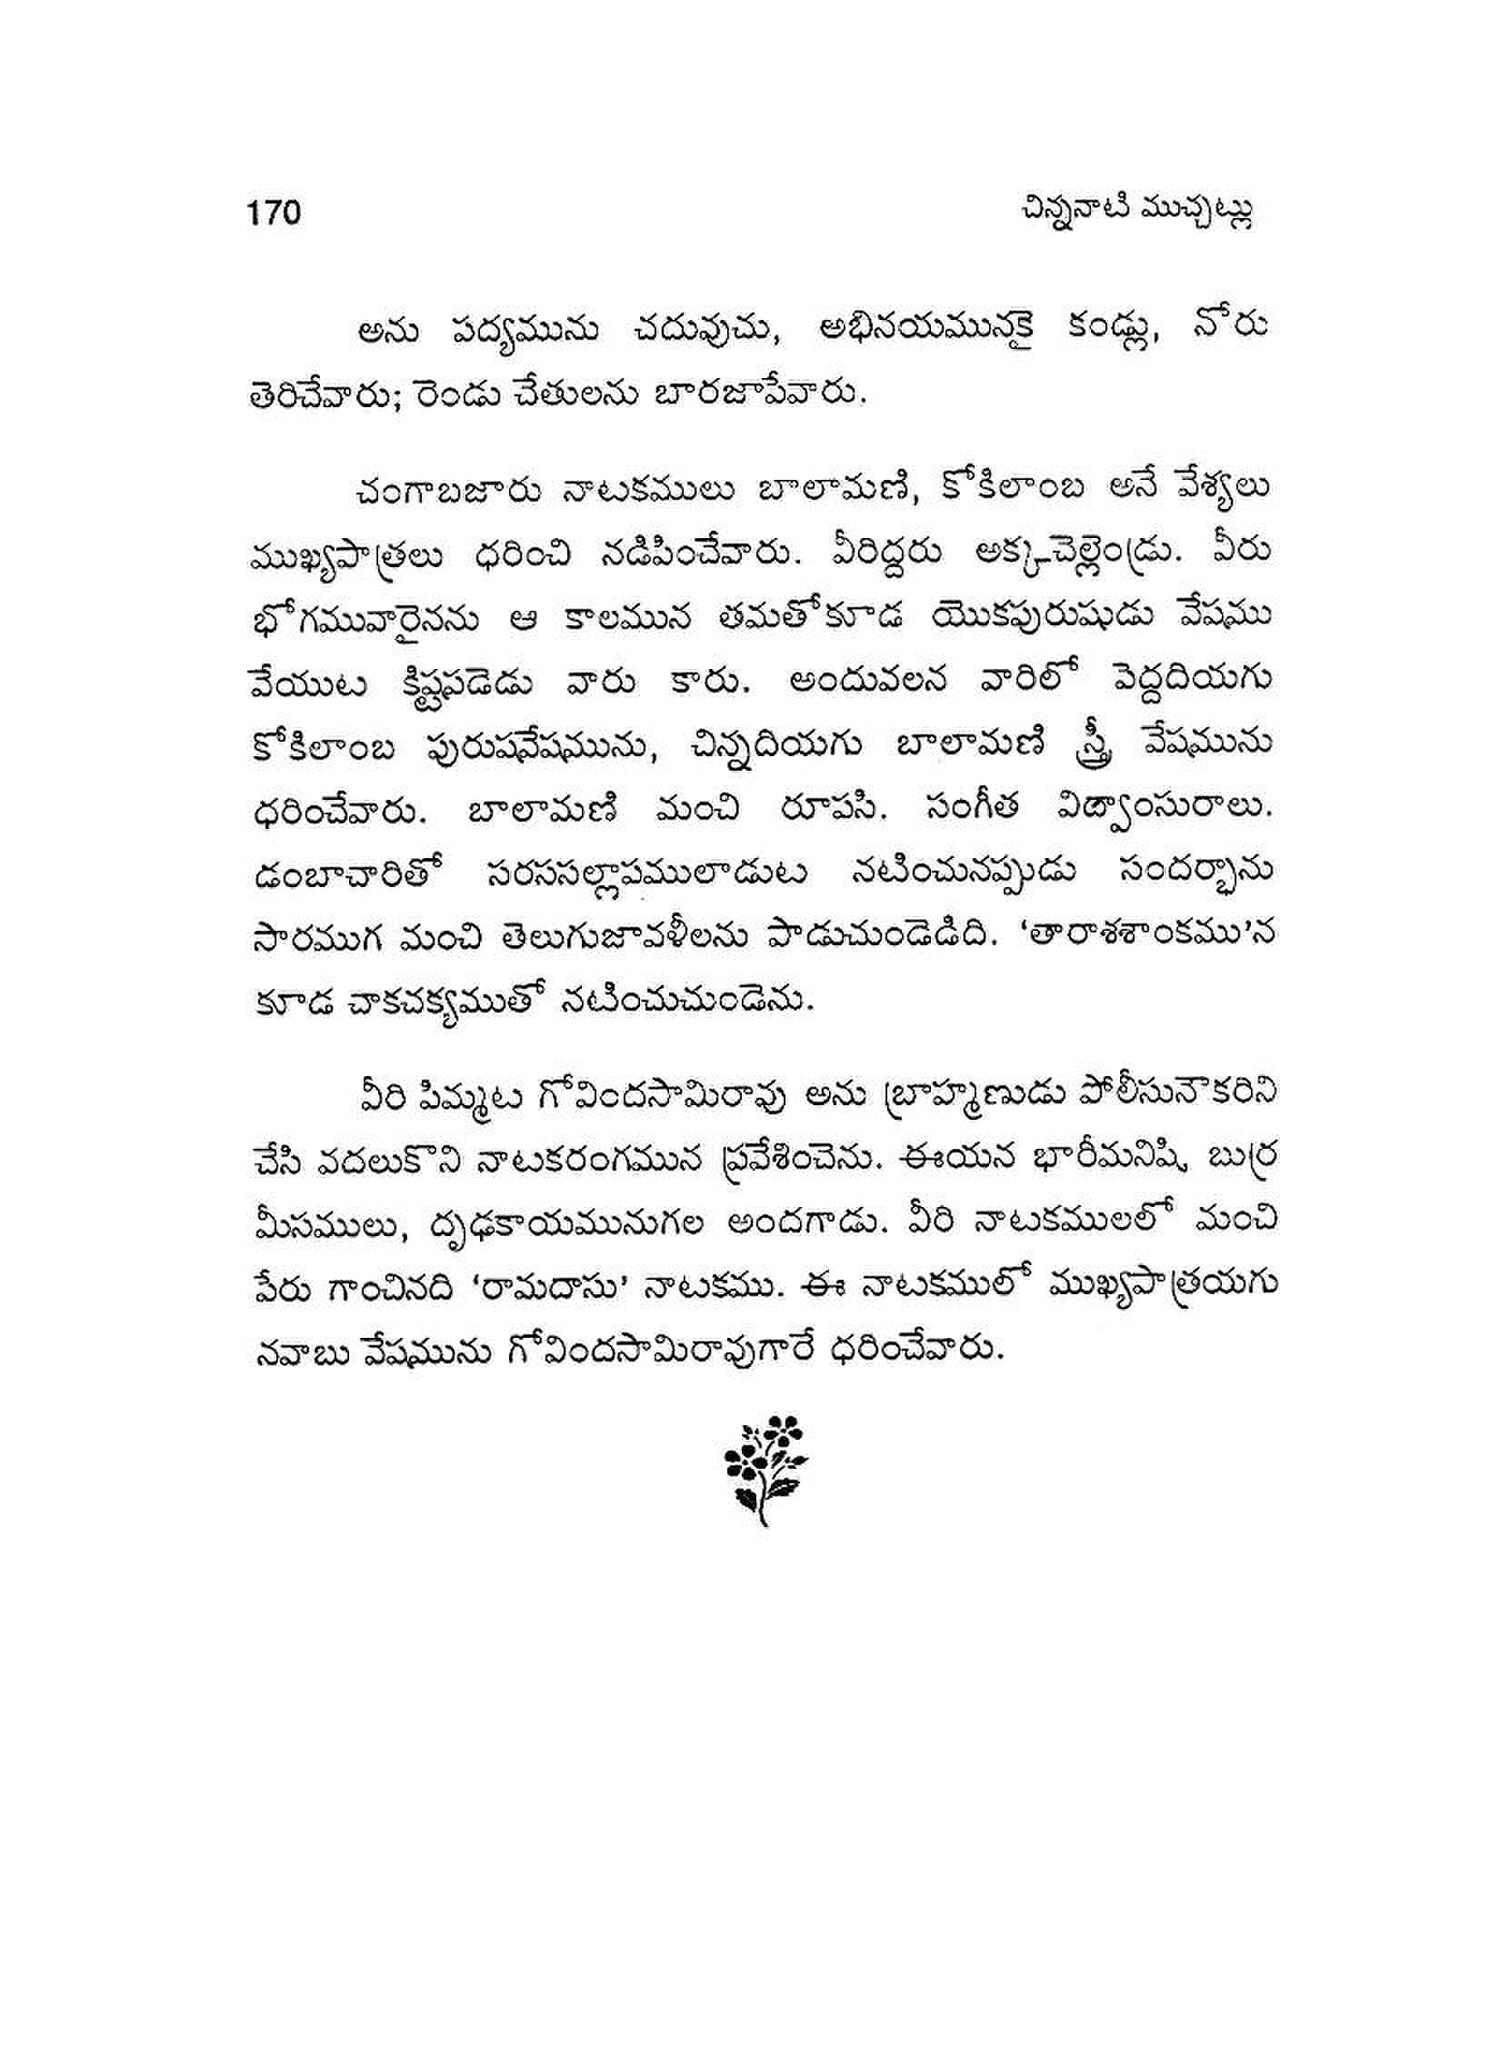అను పద్యమును చదువుచు, అభినయమునకై కండ్లు, నోరు తెరిచేవారు; రెండు చేతులను బారజాపేవారు.

చంగాబజారు నాటకములు బాలామణి, కోకిలాంబ అనే వేశ్యలు ముఖ్యపాత్రలు ధరించి నడిపించేవారు. వీరిద్దరు అక్కచెల్లెండ్రు. వీరు భోగమువారైనను ఆ కాలమున తమతోకూడ యొకపురుషుడు వేషము వేయుట కిష్టపడెడు వారు కారు. అందువలన వారిలో పెద్దదియగు కోకిలాంబ పురుషవేషమును, చిన్నదియగు బాలామణి స్త్రీ వేషమును ధరించేవారు. బాలామణి మంచి రూపసి. సంగీత విద్వాంసురాలు. డంబాచారితో సరససల్లాపములాడుట నటించునప్పడు సందర్భానుసారముగ మంచి తెలుగుజావళీలను పాడుచుండెడిది. 'తారాశశాంకము'న కూడ చాకచక్యముతో నటించుచుండెను.

వీరి పిమ్మట గోవిందసామిరావు అను బ్రాహ్మణుడు పోలీసునౌకరిని చేసి వదలుకొని నాటకరంగమున ప్రవేశించెను. ఈయన భారీమనిషి, బుర్ర మీసములు, దృఢకాయమునుగల అందగాడు. వీరి నాటకములలో మంచి పేరు గాంచినది 'రామదాసు' నాటకము. ఈ నాటకములో ముఖ్యపాత్రయగు నవాబు వేషమును గోవిందసామిరావుగారే ధరించేవారు.